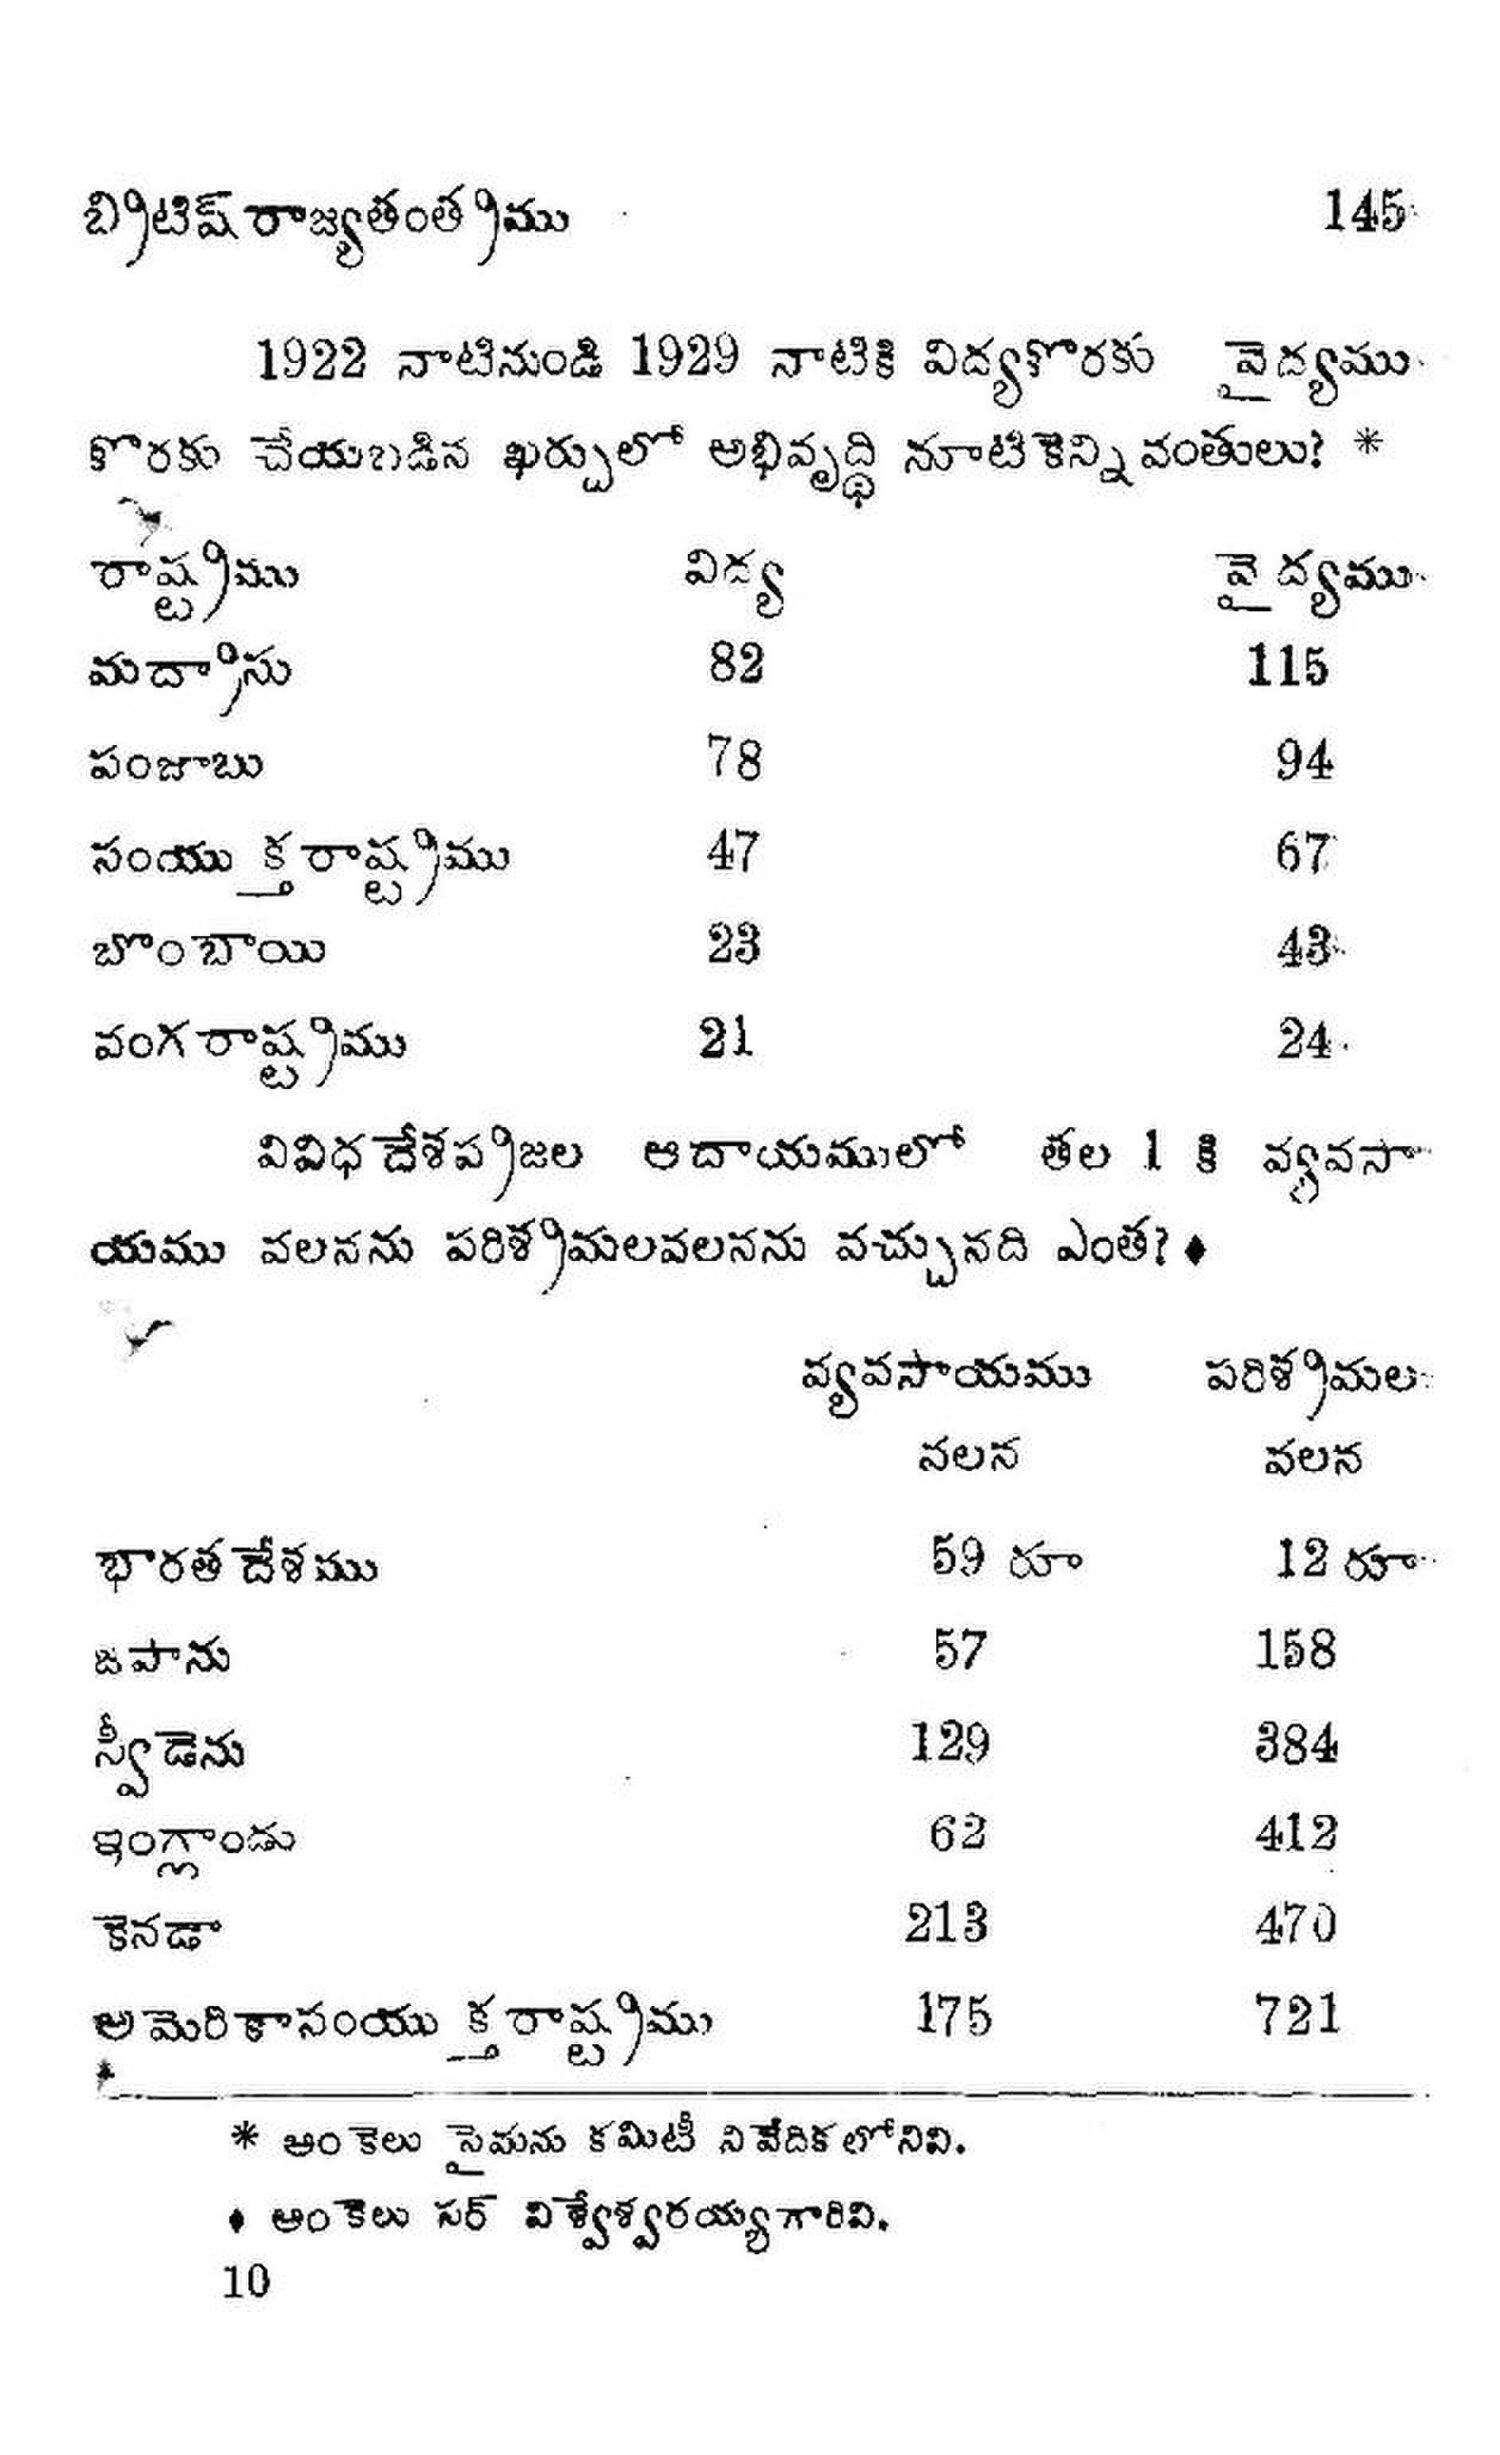1922 నాటినుండి 1929 నాటికి విద్యకొరకు వైద్యముకొరకు చేయబడిన ఖర్చులో అభివృద్ధి నూటికెన్నివంతులు?

 రాష్ట్రము విద్య వైద్యము మద్రాసు 82 115 పంజాబు 78 94 సంయుక్తరాష్ట్రము 47 67 బొంబాయి 23 43 వంగరాష్ట్రము 21 24

వివిధదేశప్రజల ఆదాయములో తల 1 కి వ్యవసాయము వలనను పరిశ్రమలవలనను వచ్చునది ఎంత?

 దేశము వ్యవసాయము వలన పరిశ్రమల వలన భారతదేశము 59 రూ 12 రూ జపాను 57 158 స్వీడెను 129 384 ఇంగ్లాండు 62 412 కెనడా 213 470 అమెరికాసంయుక్తరాష్ట్రము 175 721